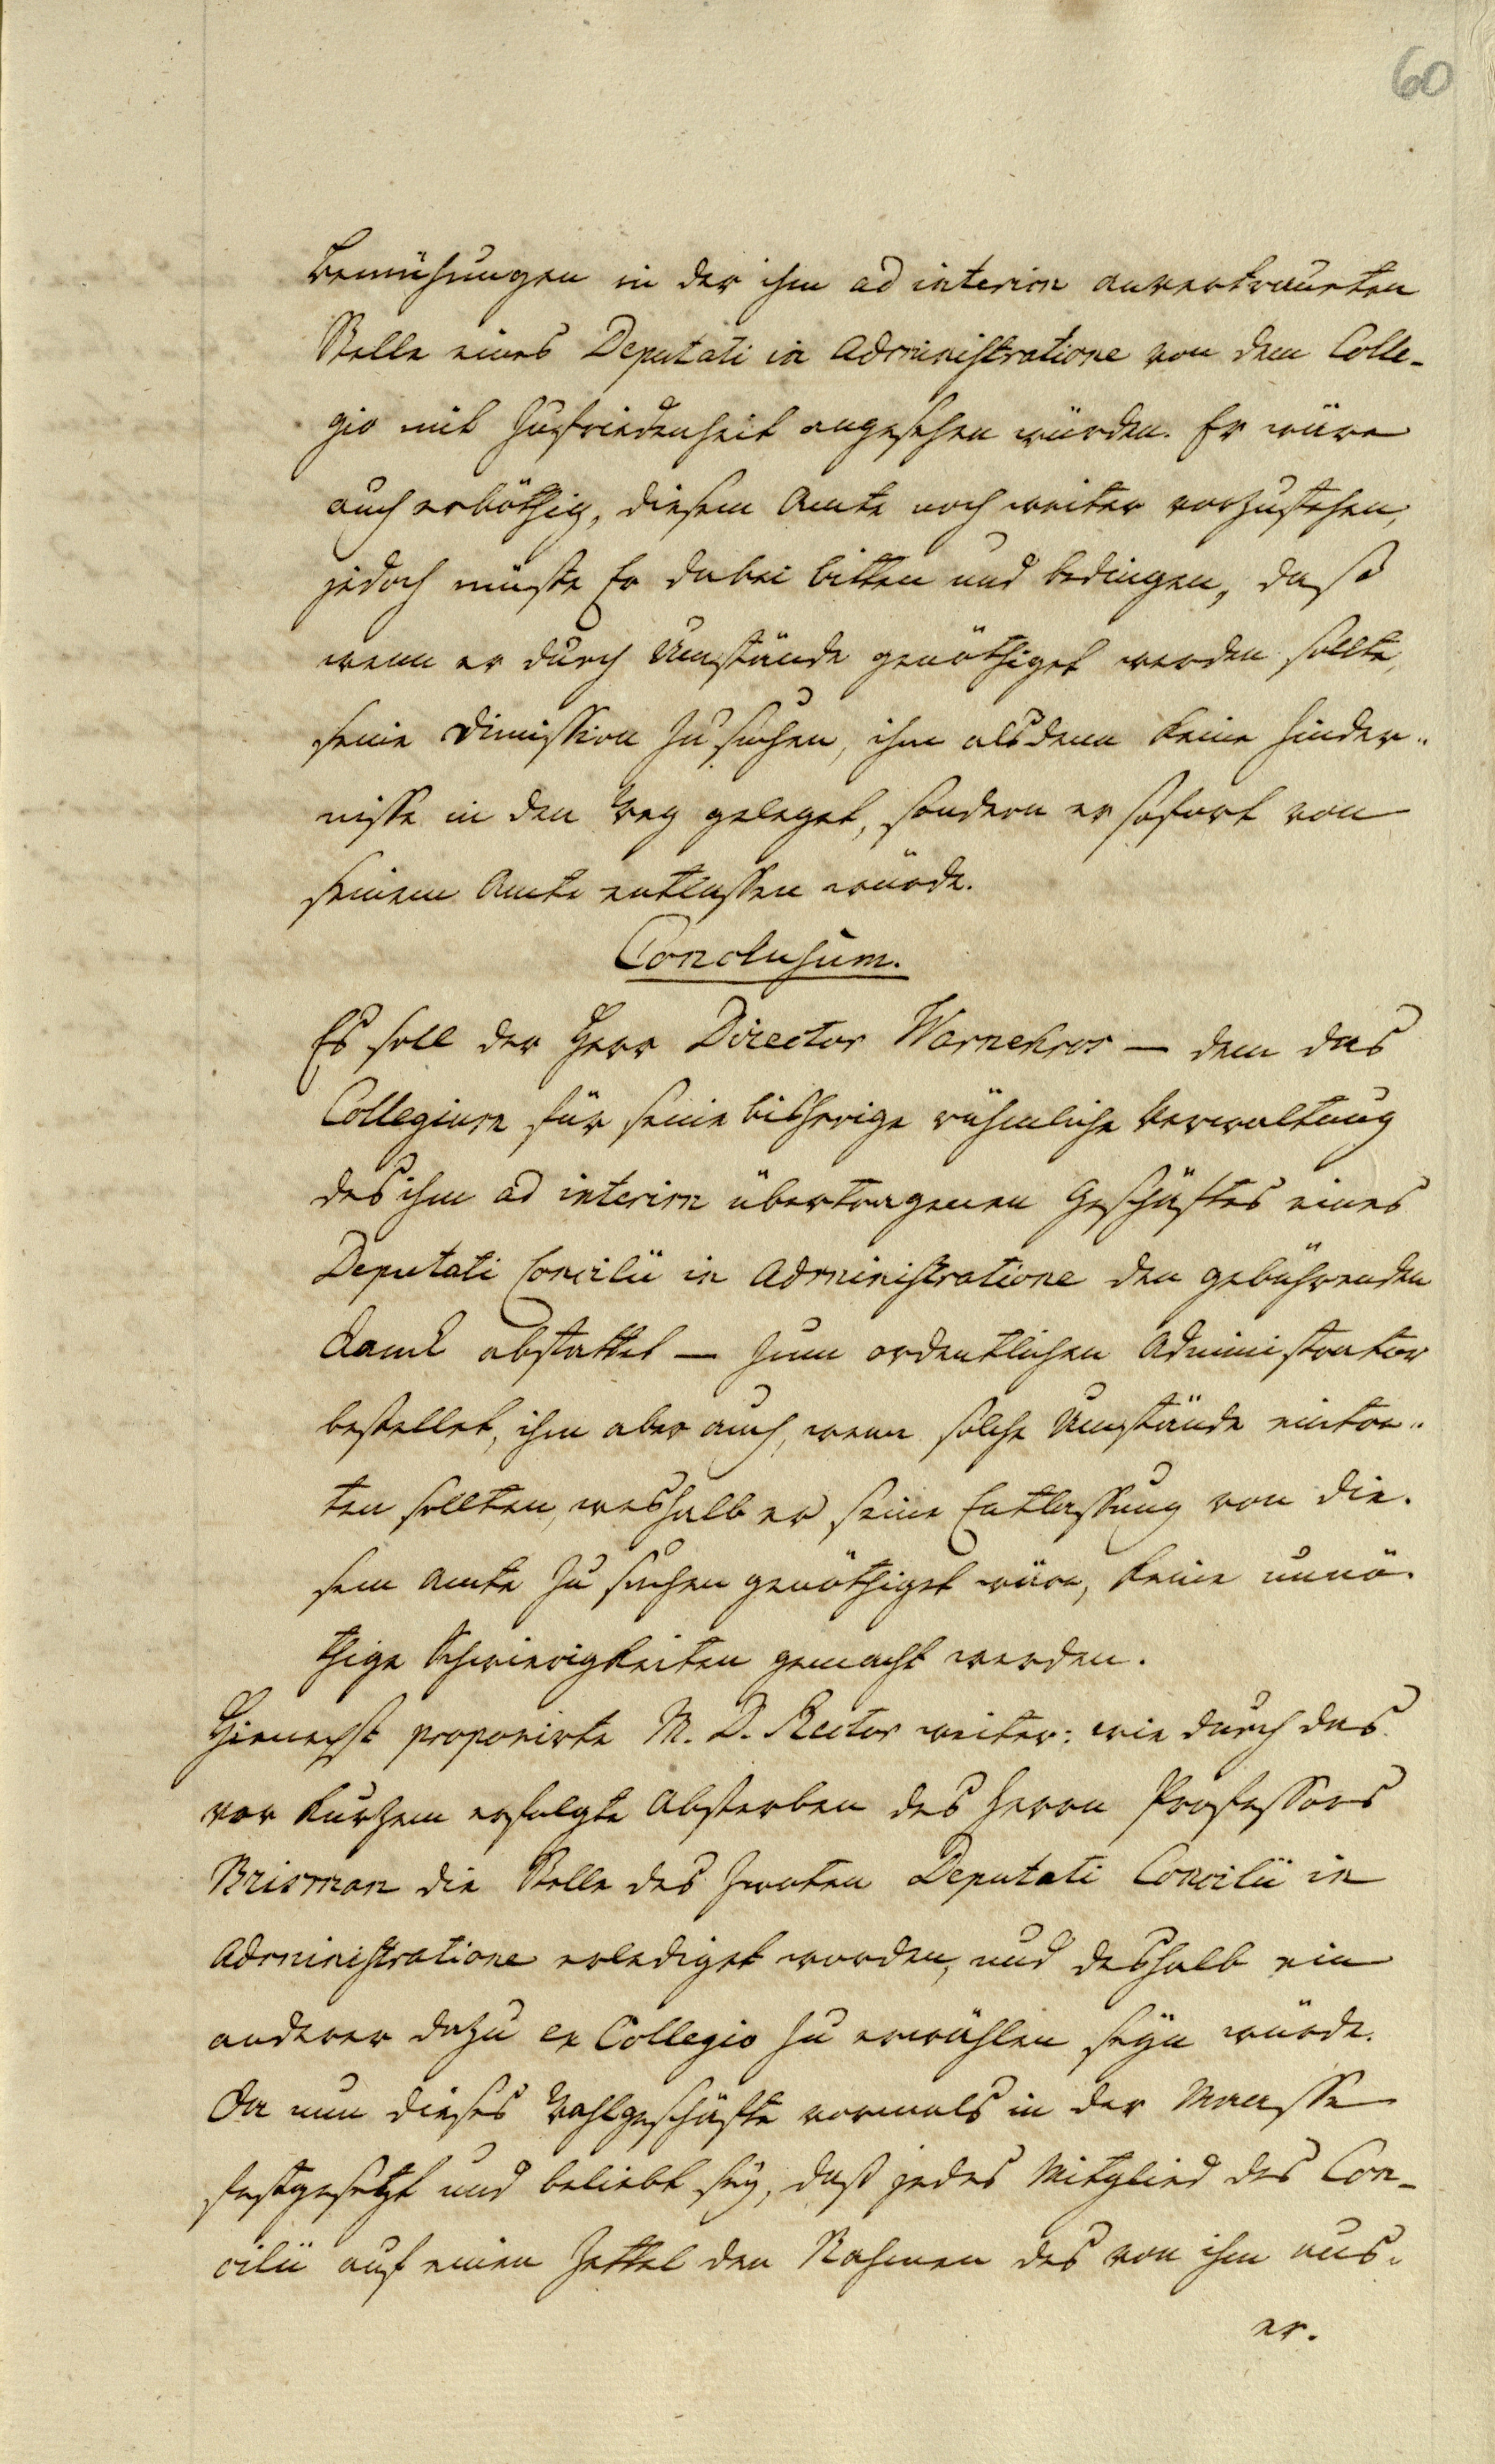Bemühungen in der ihm ad interim anvertraueten
Stelle eines Deputati in Administratione von dem Colle¬
gio mit Zufriedenheit angesehen würden. Er wäre
auch erböthig, diesem Amte noch weiter vorzusehen,
jedoch müßte Er dabei bitten und bedingen, daß
wenn er durch Umstände genöthiget werden sollte¬
seine dimission zu suchen, ihm als denn keine Hinder¬
nisse in den Weg gelegt, sondern er sofort von
seinem Amte entlassen würde.
Conclusum.
Es soll der Herr Director Warnekros dem das
Collegium für seine bisherige rühmliche Verwaltung
des ihm ad interim übertragenen Geschäftes eines
Deputati Concilii in Administration den gebührenden
Danck abstattet zum ordentlichen Administrator
bestellet, ihm aber auch, wenn solche Umstände eintre¬
ten sollten, weshalb er seine Entlassung von die¬
sem Amte zu suchen genöthiget wäre, keine unnö¬
thige Schwierigkeiten gemacht werden.
Hienechst proponirte M. D. Rector weiter: wie durch das
vor kurzem erfolgte Absterben des Herrn Professors
Brisman die Stelle des zwoten Deputati Concilii in
Administratione erlediget worden, und deshalb ein
anderer dazu ex Collegio zu erwählen seÿn würde.
Da nun dieses Wahlgeschäfte vormals in der Maasse
festgesetzt und beliebt seÿ, daß jedes Mitglied des Con¬
cilii auf einen Zettel den Nahmen des von ihm aus¬
er¬